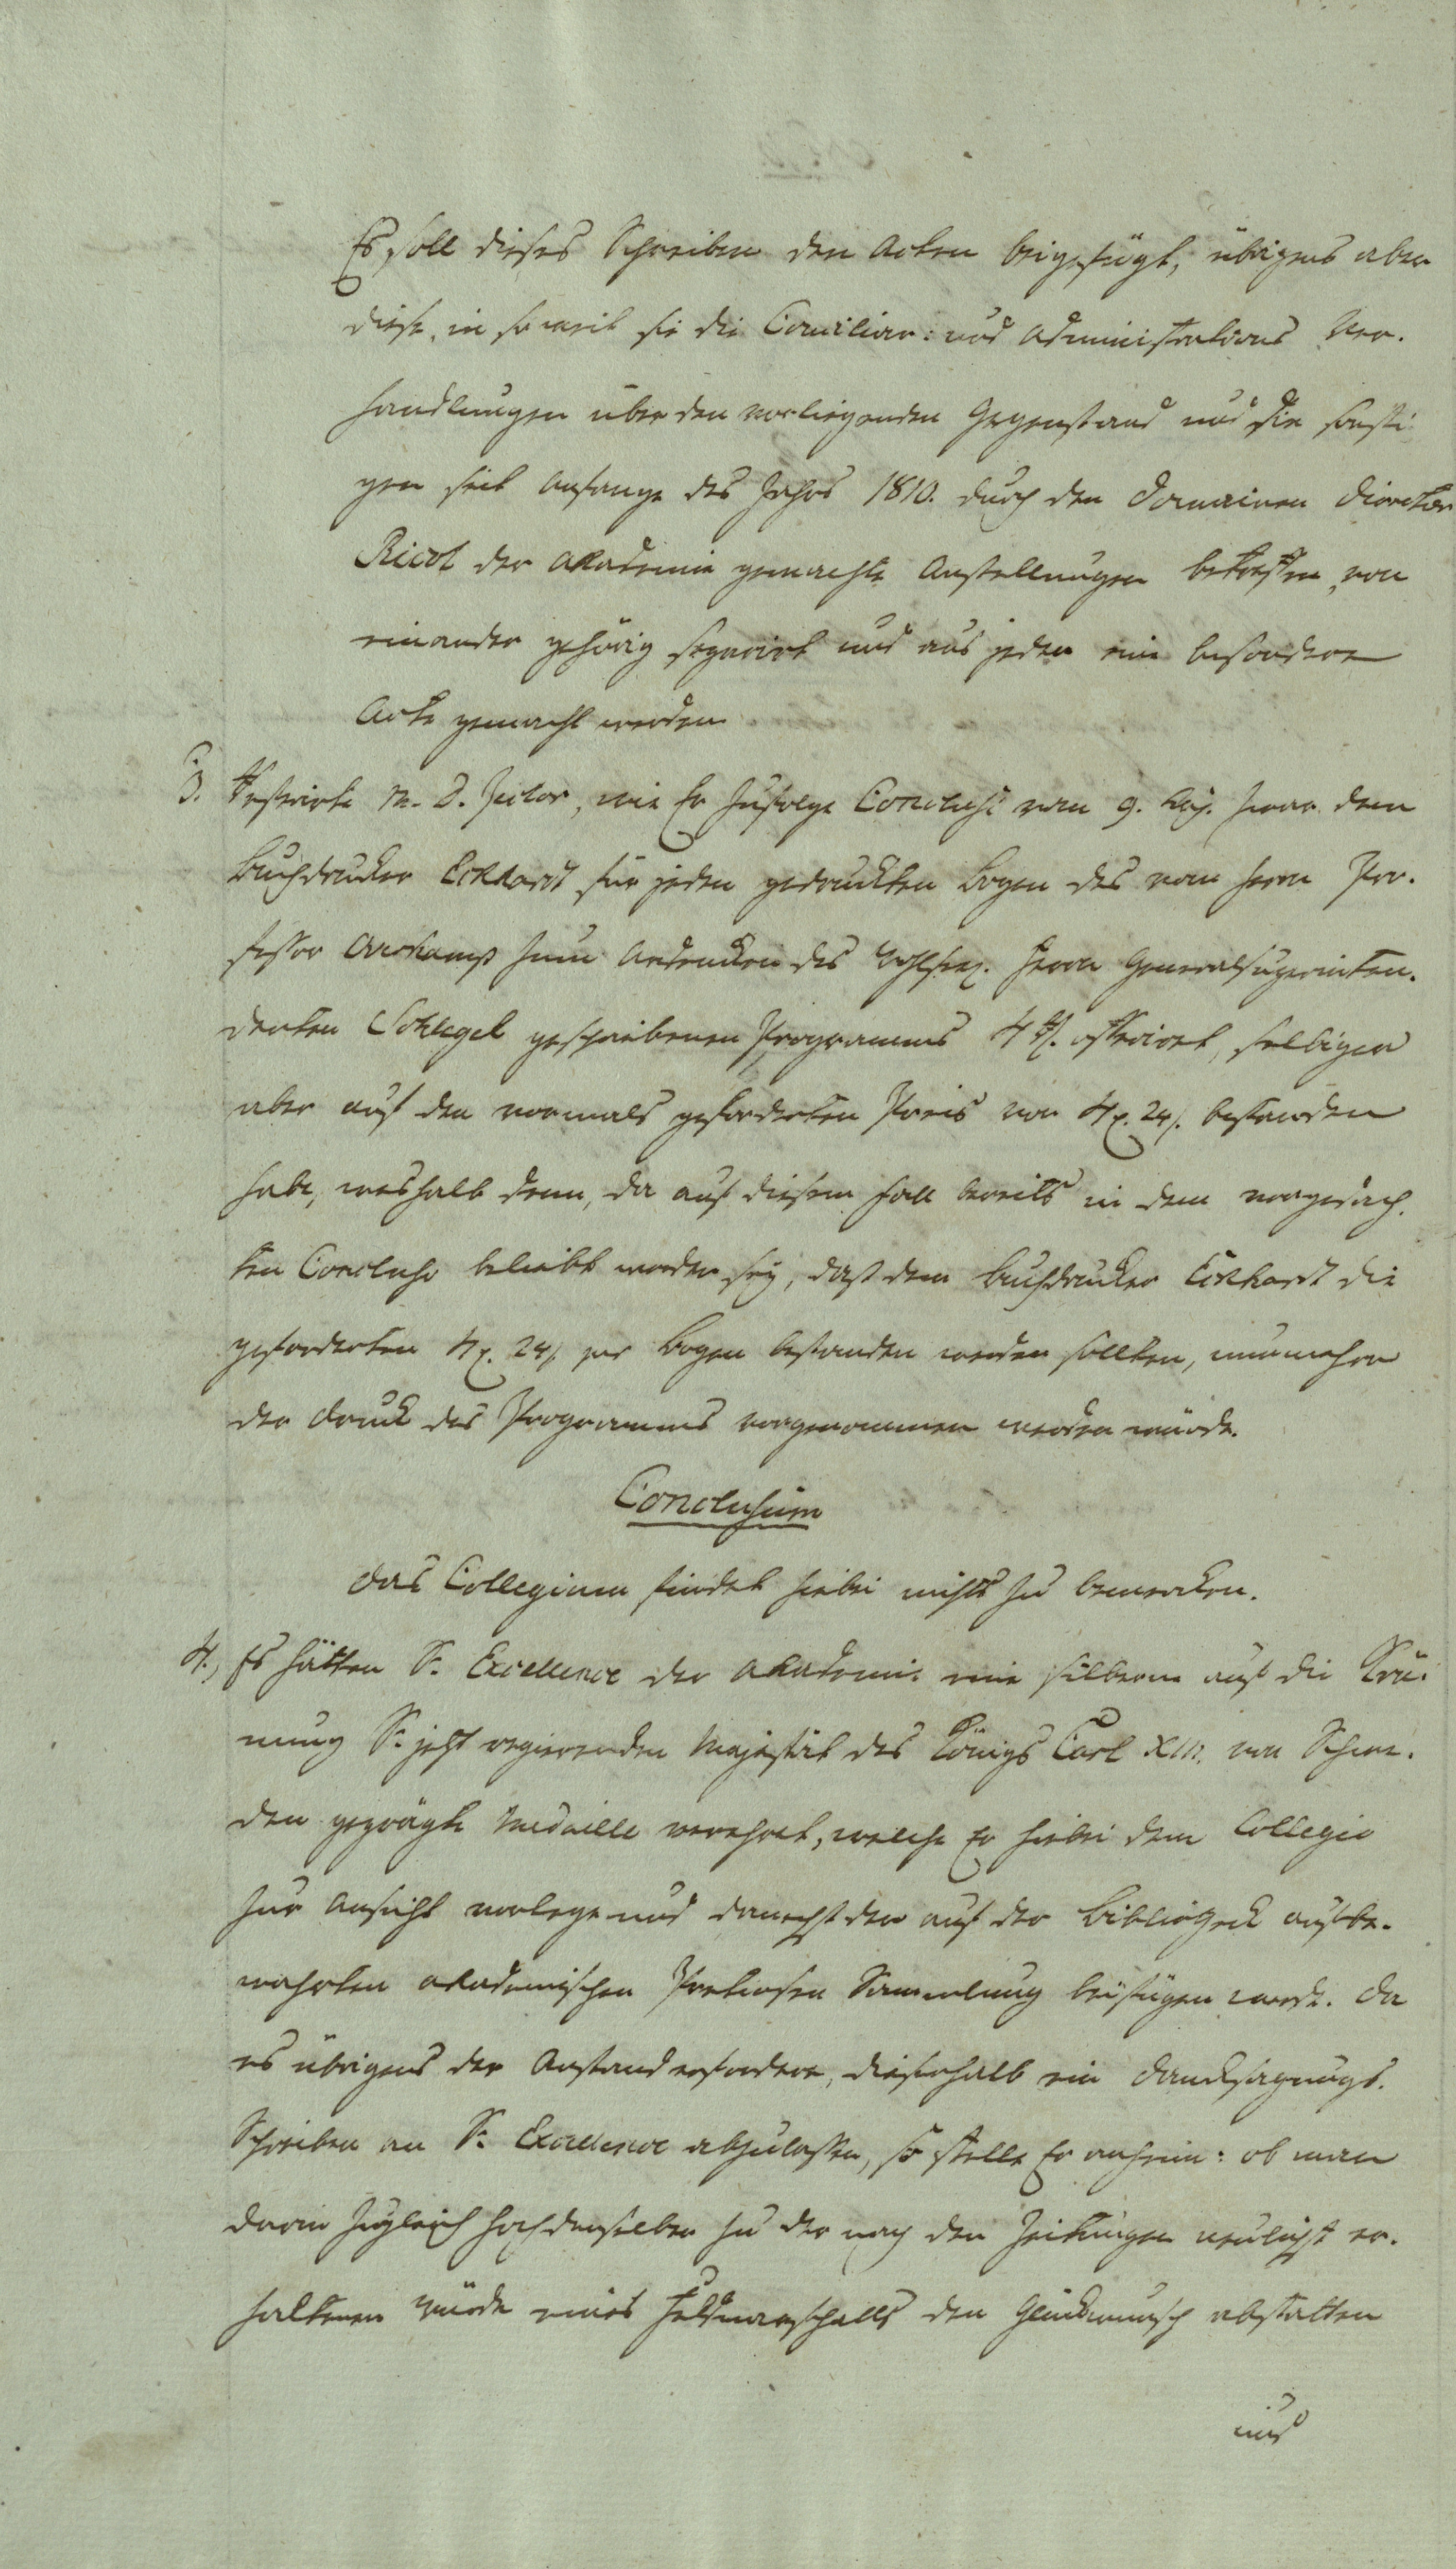Es soll dieses Schreiben den Acten beigefügt, übrigens aber
diese, in so weit sie die Conciliar- und Administrations Ver¬
handlungen über den vorliegenden Gegenstand und die sonsti¬
gen seit Anfange des Jahres 1810. durch den Domainen Director
Ricot der Akademie gemachte Anstellungen betreffen, von
einander gehörig separirt und aus jedem eine besondere
Acte gemacht worden.
3. Referirte M. D. Rector, wie Er zufolge Conclusi vom 9. huj. zwar dem
Buchdrucker Eckhardt für jeden gedruckten Bogen des vom Herrn Prof¬
fessor Overkamp zum Andencken des Wohlseel. Herrn Generalsuperinten¬
denten Schlegel geschriebenen Programms 4 Rt. offeriret, selbiger
aber auf den vormals geforderten Preis von 4 l. 24 s. bestanden
habe, weshalb denn, da auf diesem Fall bereits in dem vorgedach¬
ten Concluso beliebt worden seÿ, daß dem Buchdrucker Eckhardt die
geforderten 4l. 24 s. per Bogen bestanden werden sollten, nunmehro
der Druck des Programms vorgenommen werden würde.
Conclusum
Das Collegium findet hiebei nichts zu bemercken.
4. Es hätten Sr. Excellence der Akademie eine silberne auf die Krö¬
nung Sr. jetzt regierenden Majestät des Königs Carl XIII. von Schwe¬
den geprägte Medaille verehret, welche Er hiebei dem Collegio
zur Ansicht vorlege und danechst der auf der Bibliotheck aufbe¬
wahrten akademischen Pretiosen Sammlung beifügen werde. Da
es übrigens der Anstand erfordere, dieserhalb ein Dancksagungs¬
Schreiben an Sr. Excellence abzulassen, so stelle Er anheim: ob man
darin zugleich hochdemselben zu der nach den Zeitungen neulichst er¬
haltenen Würde eines Feldmarschalls den Glückwunsch abstatten
und